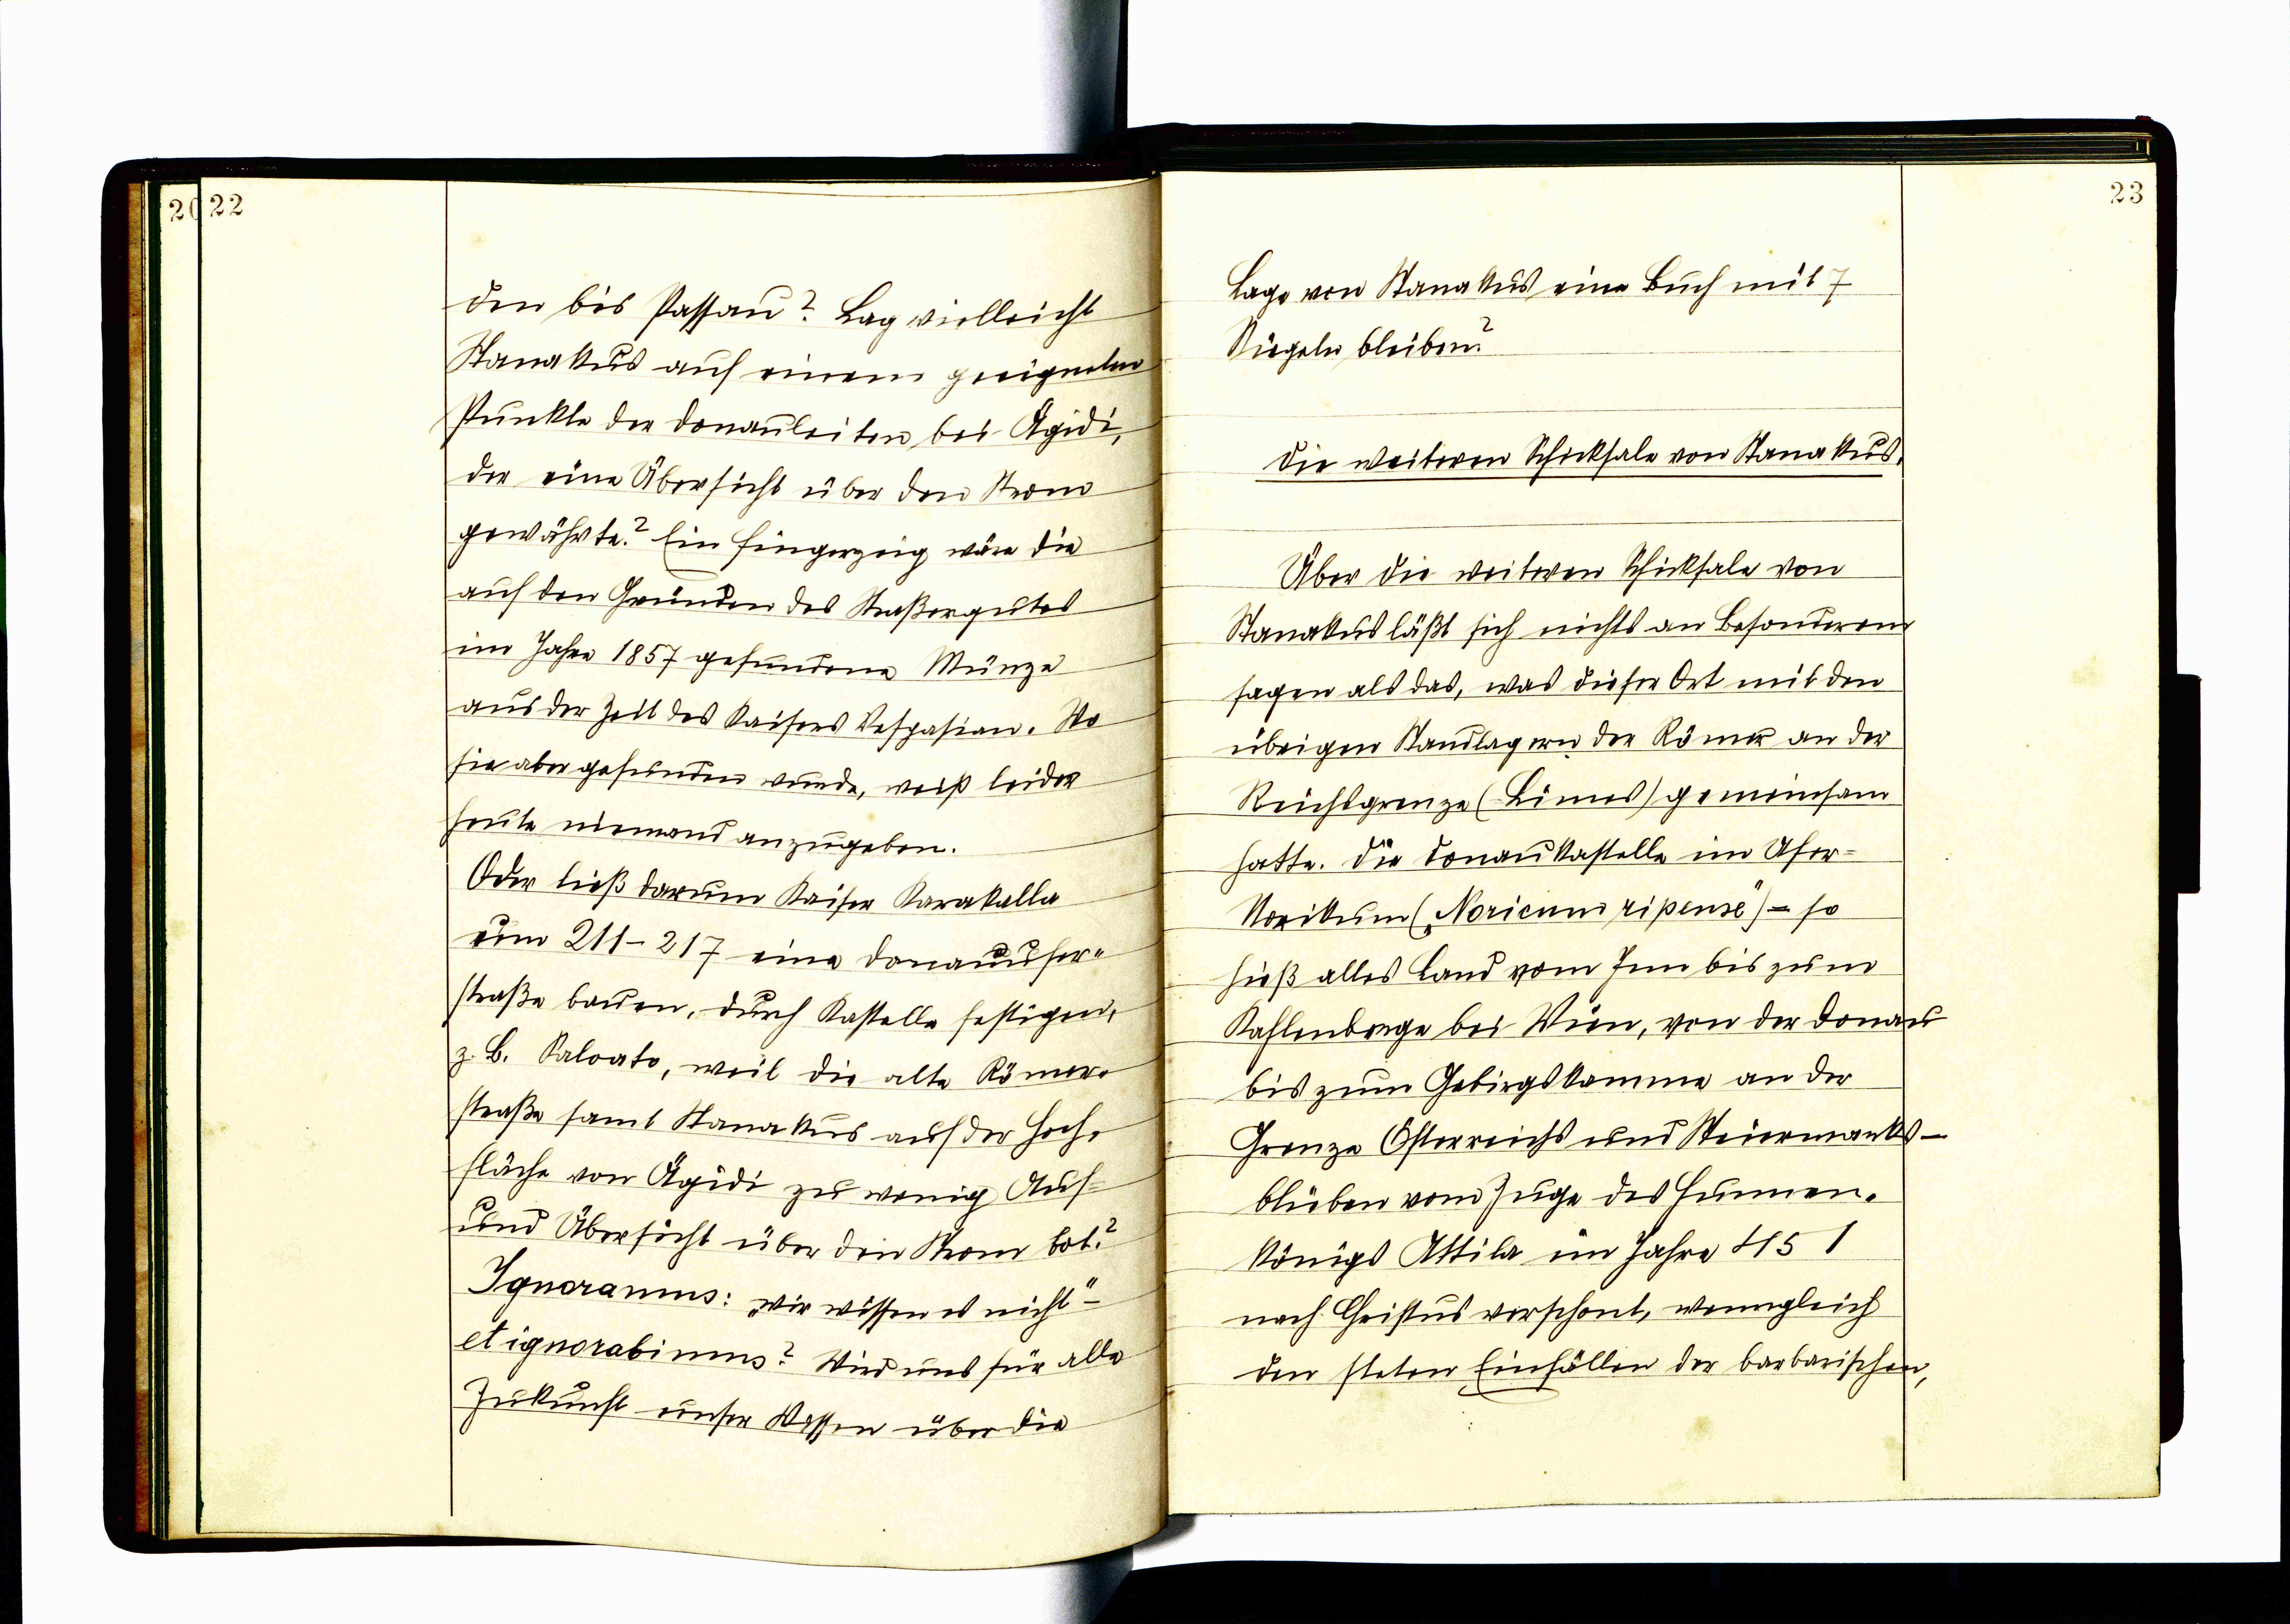den den bis Passau? Lag vielleicht
Stanakus auf einem geeigneten
Punkte der Donauleiten bei Ägidi,
der eine Übersicht über den Strom
gewährte? Ein Fingerzweig wäre die
auf den Gründen des Straßergutes
im Jahre 1857 gefundene Münze
aus der Zeit des Kaisers Vespasian. Wo
sie aber gefunden wurde, weiß leider
heute niemand anzugeben.
Oder ließ darum Kaiser Karakalla
um 211-217 eine Donauufer-
straße bauen, durch Kastelle festigen.
z.B. Saloato, weil die alte Römer-
straße samt Stanakus auf der Hoch-
fläche von Ägidi zu wenig Auf-
und Übersicht über den Strom bot?
Ignoramus: „wir wissen es nicht“-
et ignorabimus? Wird uns für alle
Zukunft unser Wissen über die
Lage von Stanakus ein Buch mit 7
Siegeln bleiben?
Die weiteren Schicksale von Stanakus:
Über die weiteren Schicksale von
Stanakus läßt sich nichts an Besonderem
sagen als das, was sieser Ort mit den
übrigen Standlagern der Römer an der
Reichsgrene =(Limes) gemeinsam
hatte. Die Donaukastelle im Ufer-
Norikum („Noricum ripense“) – so
hieß alles Land vom Inn bis zum
Kahlenberge bei Wien, von der Donau
bis zum Gebirgskamme an der
Grenze Österreichs und Steiermarks –
blieben vom Zuge des Hunnen-
königs Attila im Jahre 451
nach Christus verschont, wenngleich
der steten Einfälle der barbarischen,